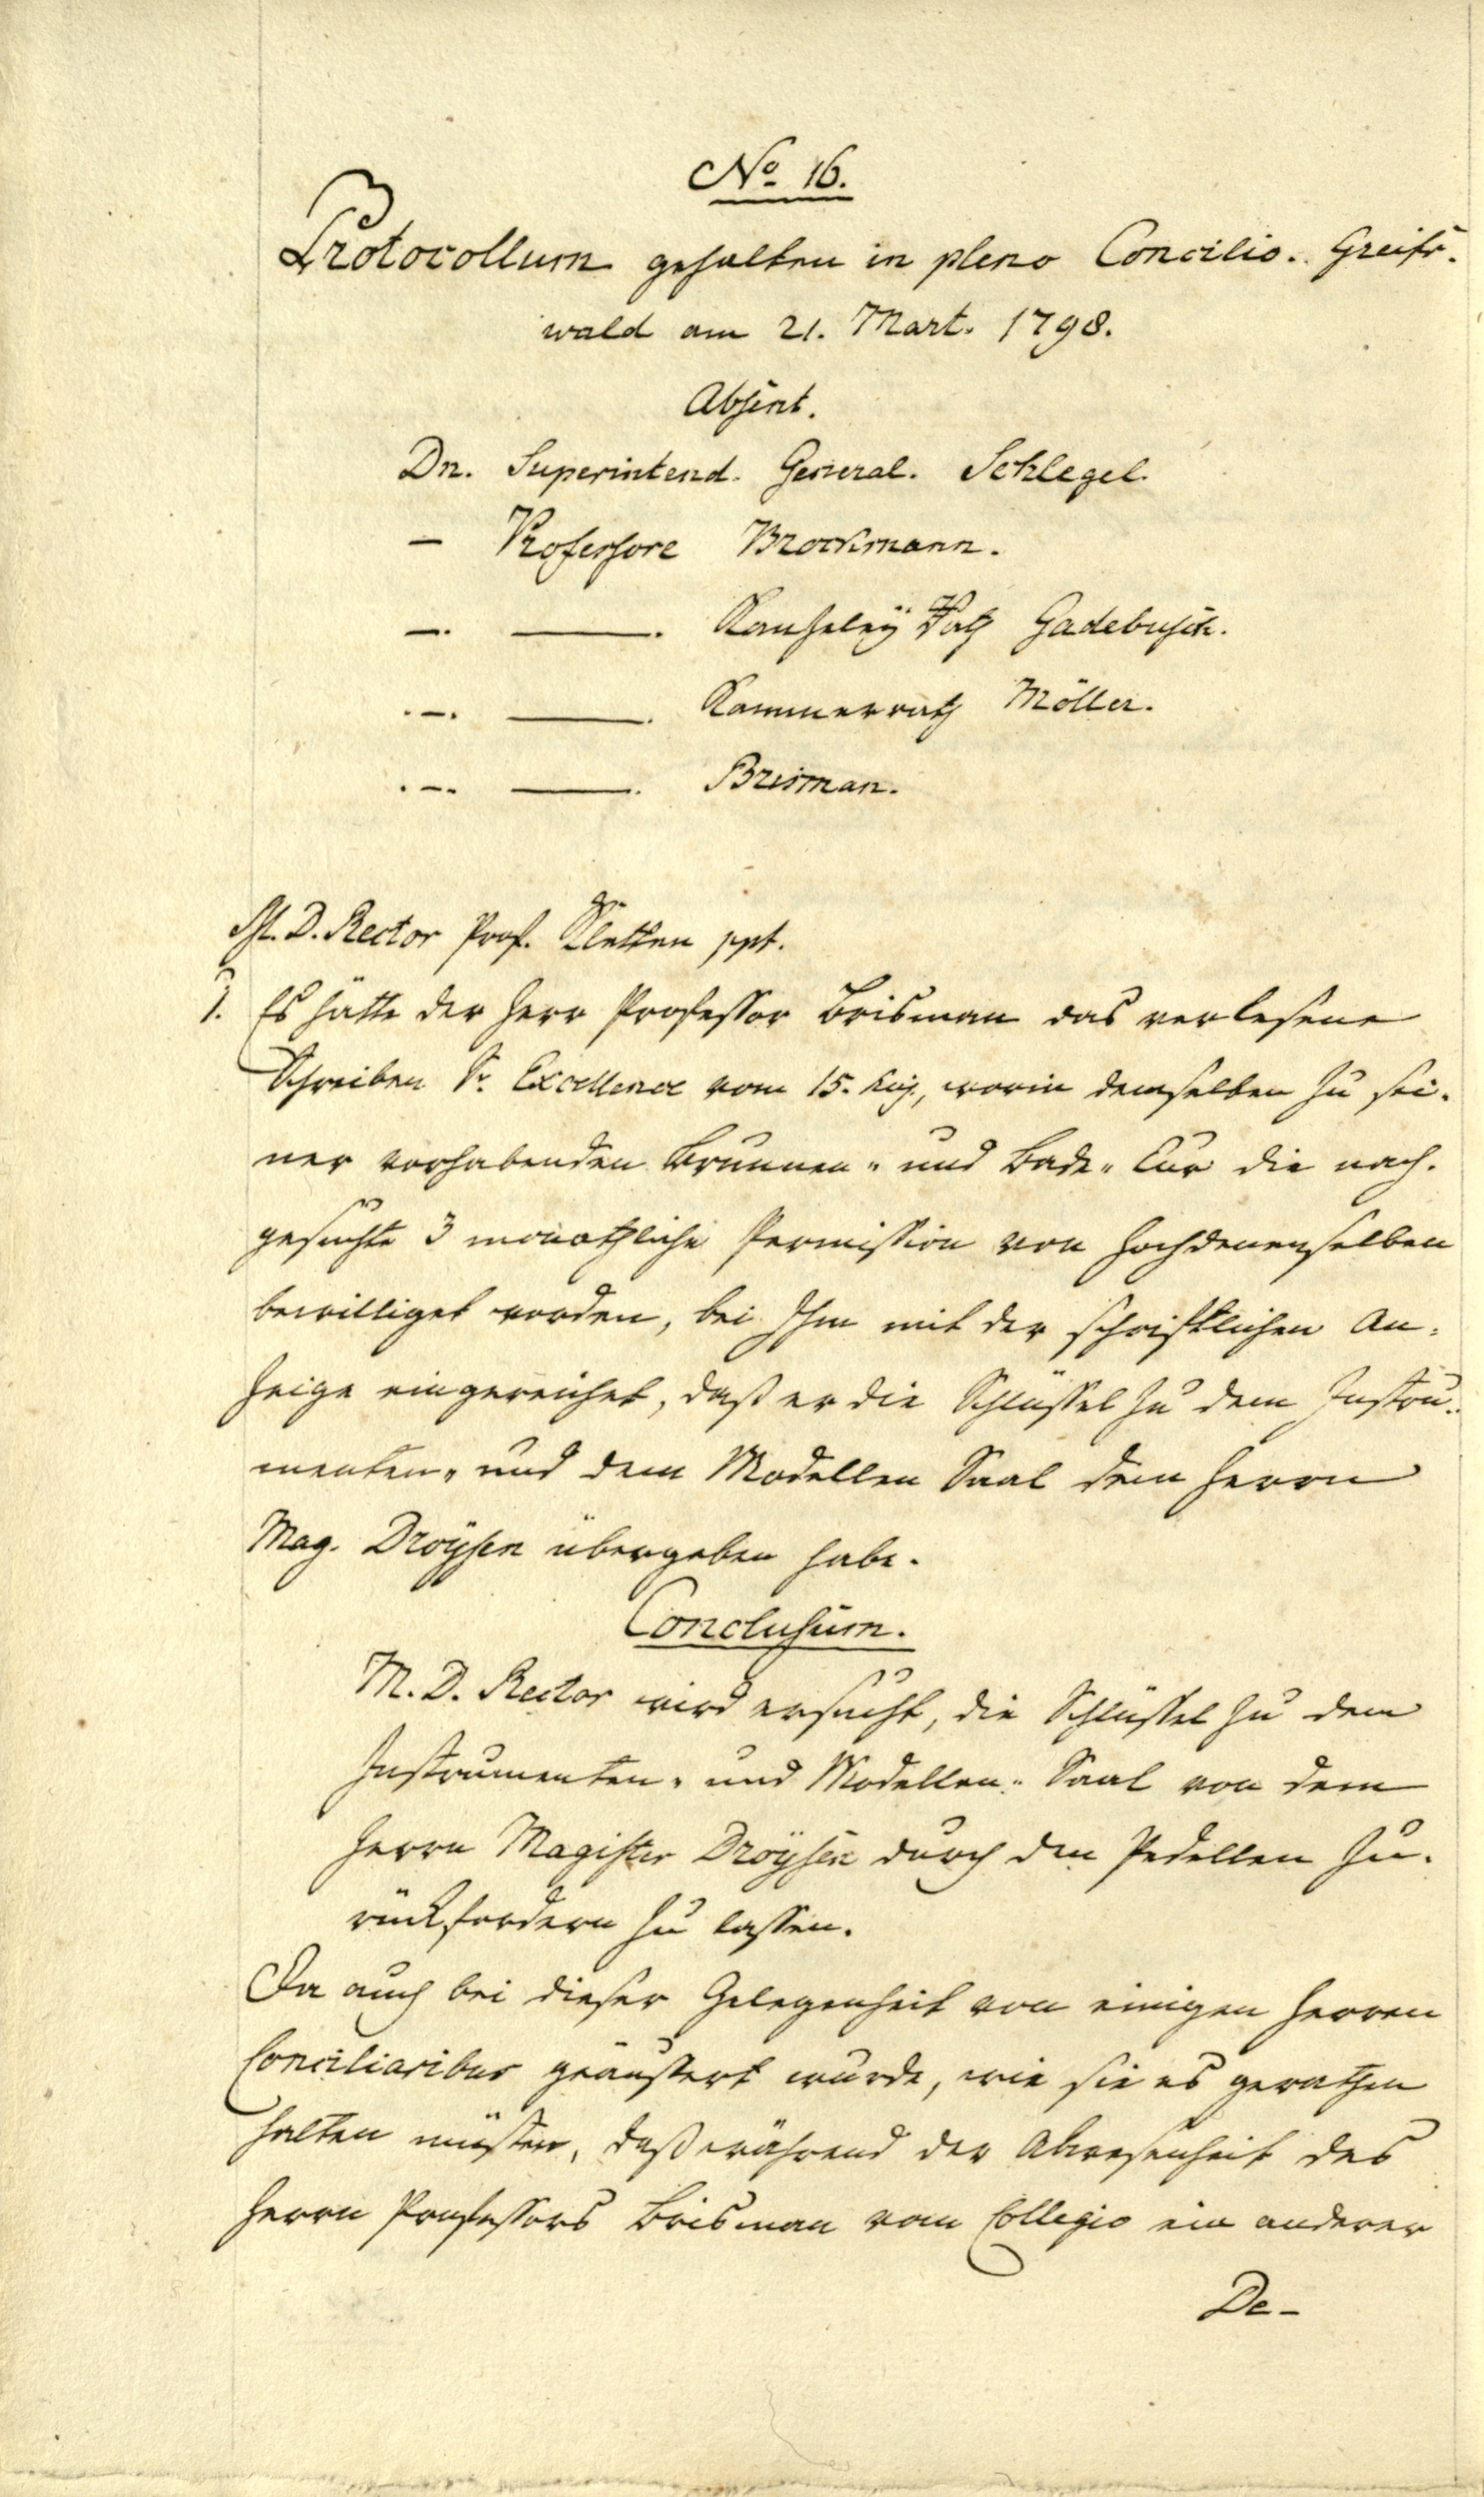No 16.
Protocollum. gehalten in pleno Concilio. Greifs¬
wald am 21. Mart. 1798.
Absent.
Dn. Superintend. General. Schlegel.
Professore Brockmann.
Kanzeleÿ Rath Gadebusch.
Kammerrath Möller.
Brisman.
M. D. Rector Prof. Kletten ppt.
1. Es hätte der Herr Professor Brisman das verlesene
Schreiben Sr. Excellence vom 15. huj, worin demselben zu sei¬
ner vorhabenden Brunnen- und Bade-Cur die nach¬
gesuchte 3 monathliche Permission von Hochdenenselben
bewilliget worden, bei Ihm mit der schriftlichen An¬
zeige eingereichet, daß er die Schlüssel zu dem Instru¬
menten- und dem Modellen Saal dem Herrn
Mag. Droÿsen übergeben habe.
Conclusum.
M. D. Rector wird ersucht, die Schlüssel zu dem
Instrumenten- und Modellen- Saal von dem
Herrn Magister Droÿsen durch den Pedellen zu¬
rückfordern zu lassen.
Da auch bei dieser Gelegenheit von einigen Herren
Conciliaribus geäussert wurde, wie sie es gerathen
halten müßten, daß während der Abwesenheit des
Herrn Professors Brisman vom Collegio ein anderer
De.